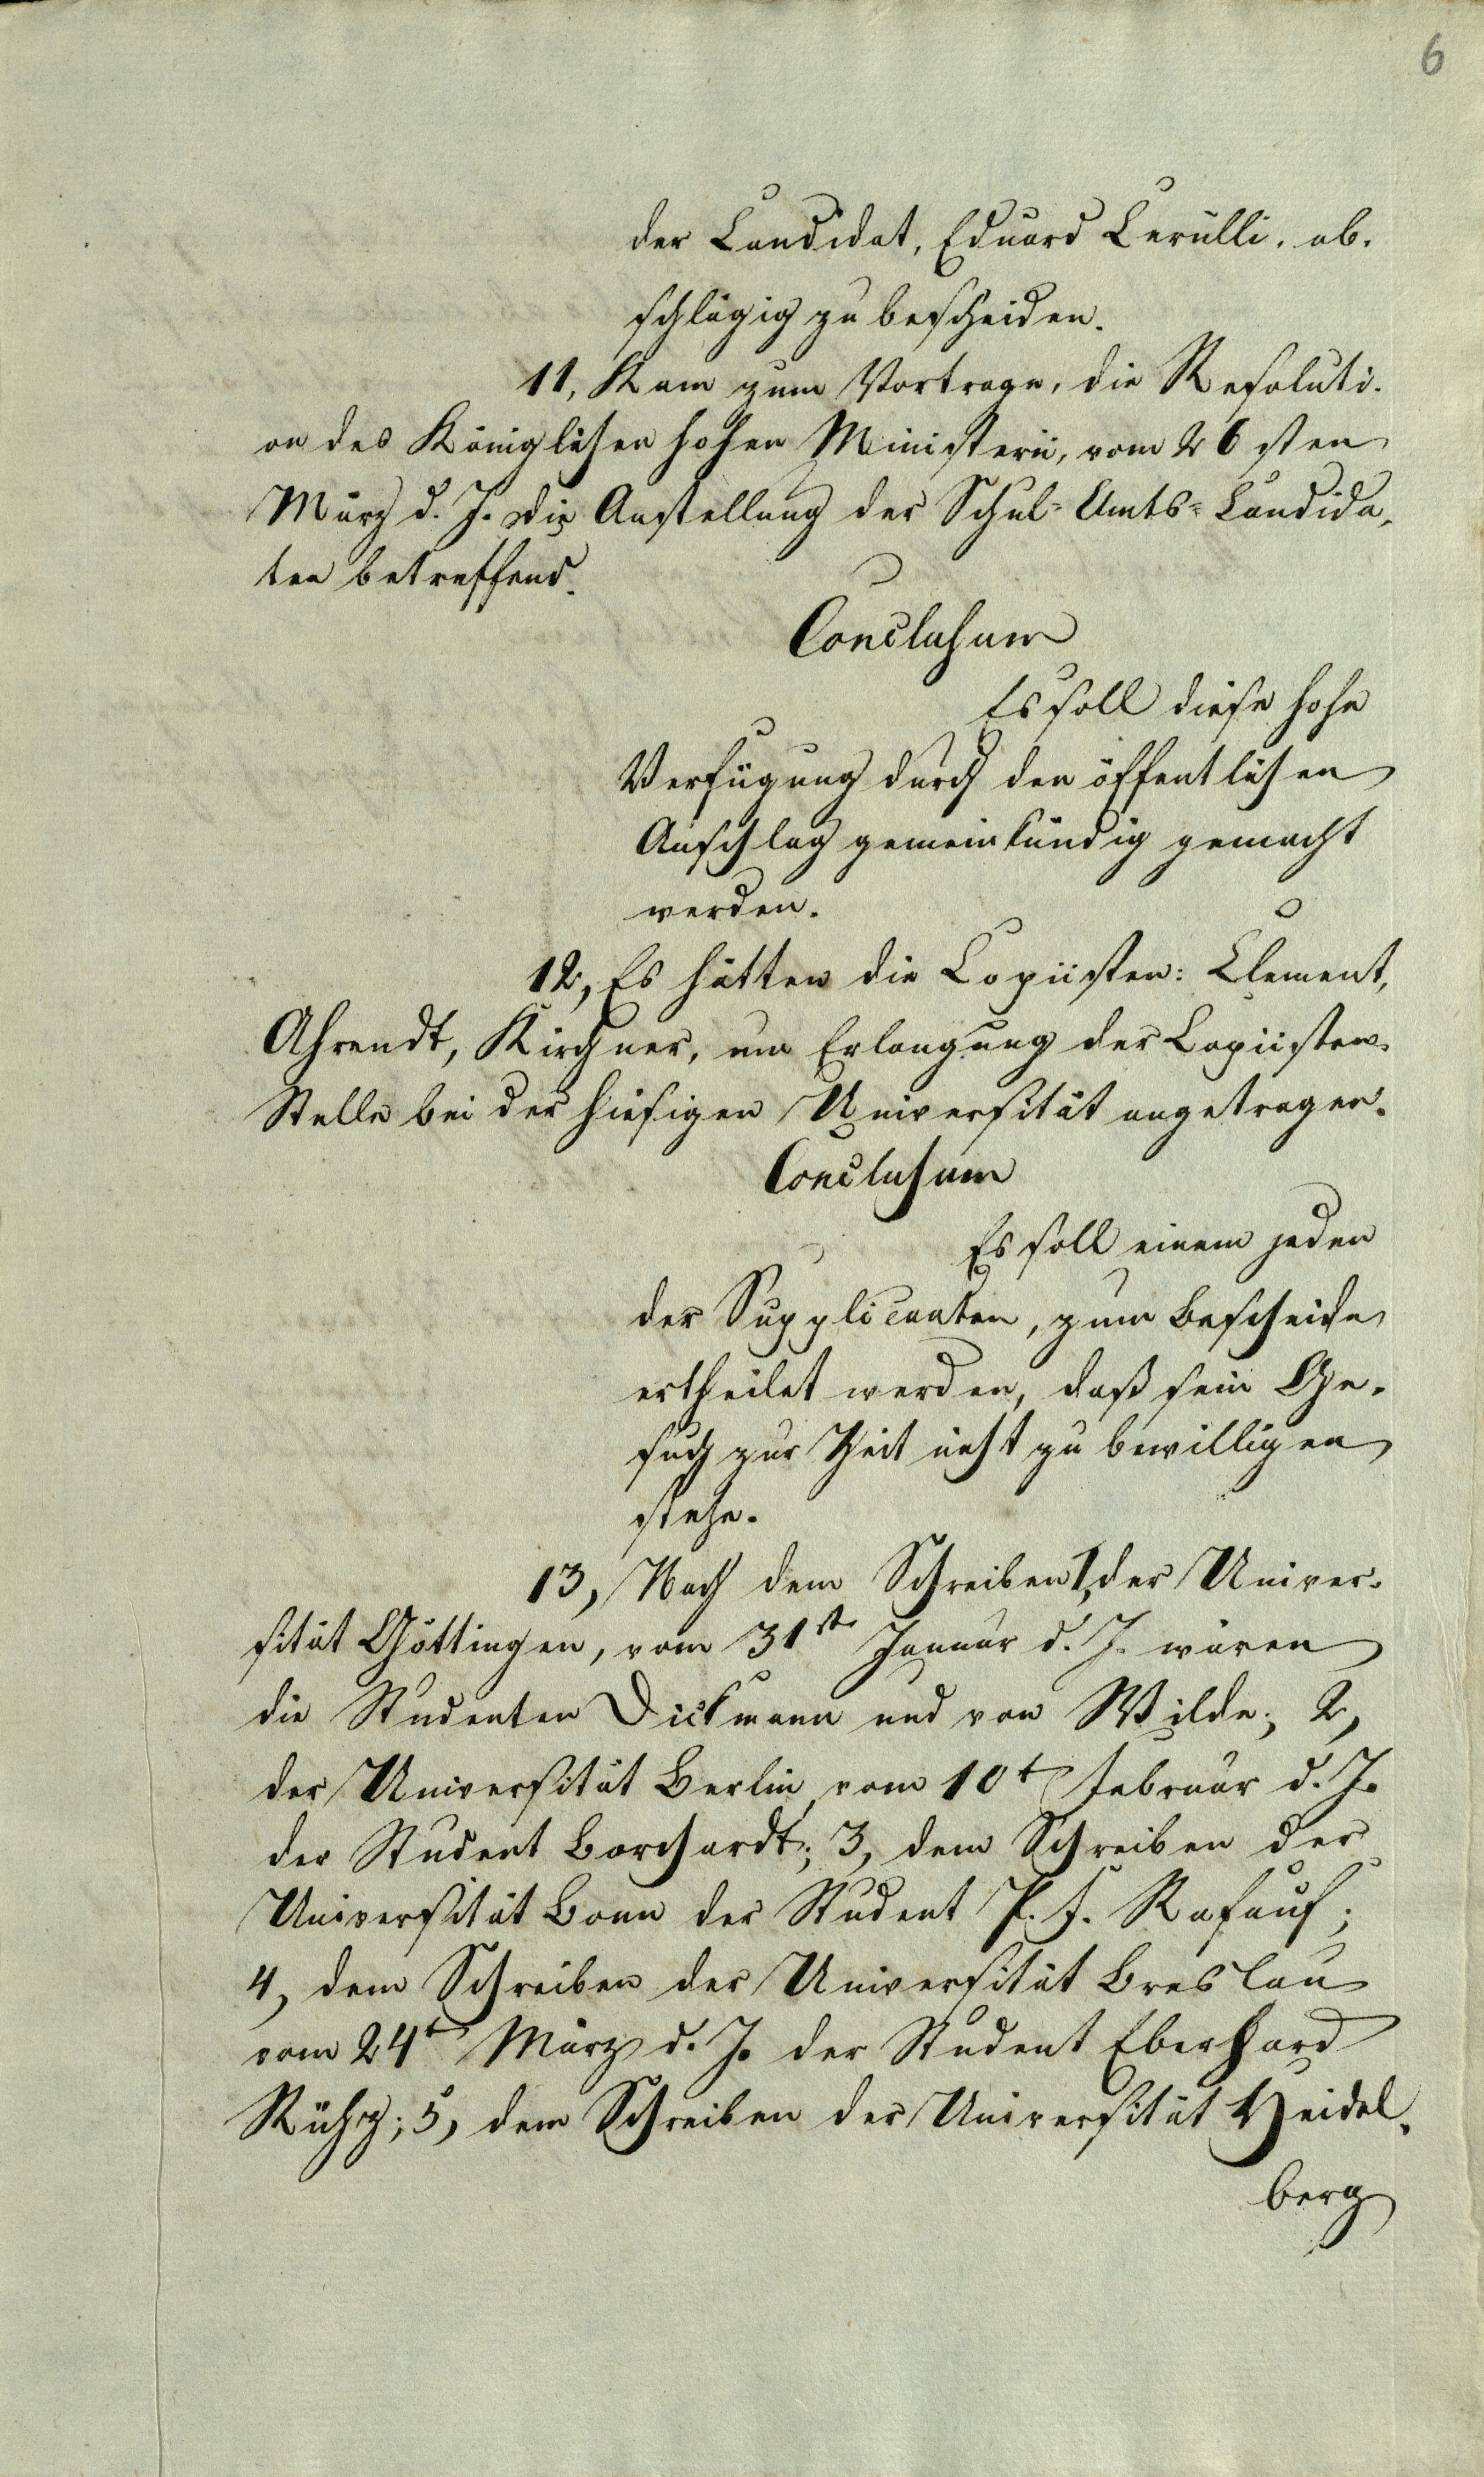der Candidat, Eduard Cerulli, ab¬
schlägig zu bescheiden.
11, Kam zum Vortrage, die Resoluti¬
on des Königlichen hohen Ministerii, vom 26sten
März d. J. die Anstellung der Schul-Amts-Candida¬
ten betreffend.
Conclusum
Es soll diese hohe
Verfügung durch den öffentlichen
Anschlag gemeinkundig gemacht
werden.
12, Es hätten die Copiisten: Clement,
Ahrendt, Kirchner, um Erlangung der Copiisten¬
Stelle bei der hiesigen Universität angetragen.
Conclusum
Es soll einem jeden
der Supplicanten, zum Bescheide
ertheilet werden, daß sein Ge¬
such zur Zeit nicht zu bewilligen
stehe.
13, Nach dem Schreiben 1, der Univer¬
sität Göttingen, vom 31ten Januar d. J. wären
die Studenten Dickmann und von Wilde, 2,
der Universität Berlin, vom 10ten Februar d. J.
der Student Borchardt; 3, dem Schreiben der
Universität Bonn der Student P. F. Rafauf;
4, dem Schreiben der Universität Breslau
vom 24ten März d. J. der Student Eberhard
Rühz; 5, dem Schreiben der Universität Heidel¬
berg